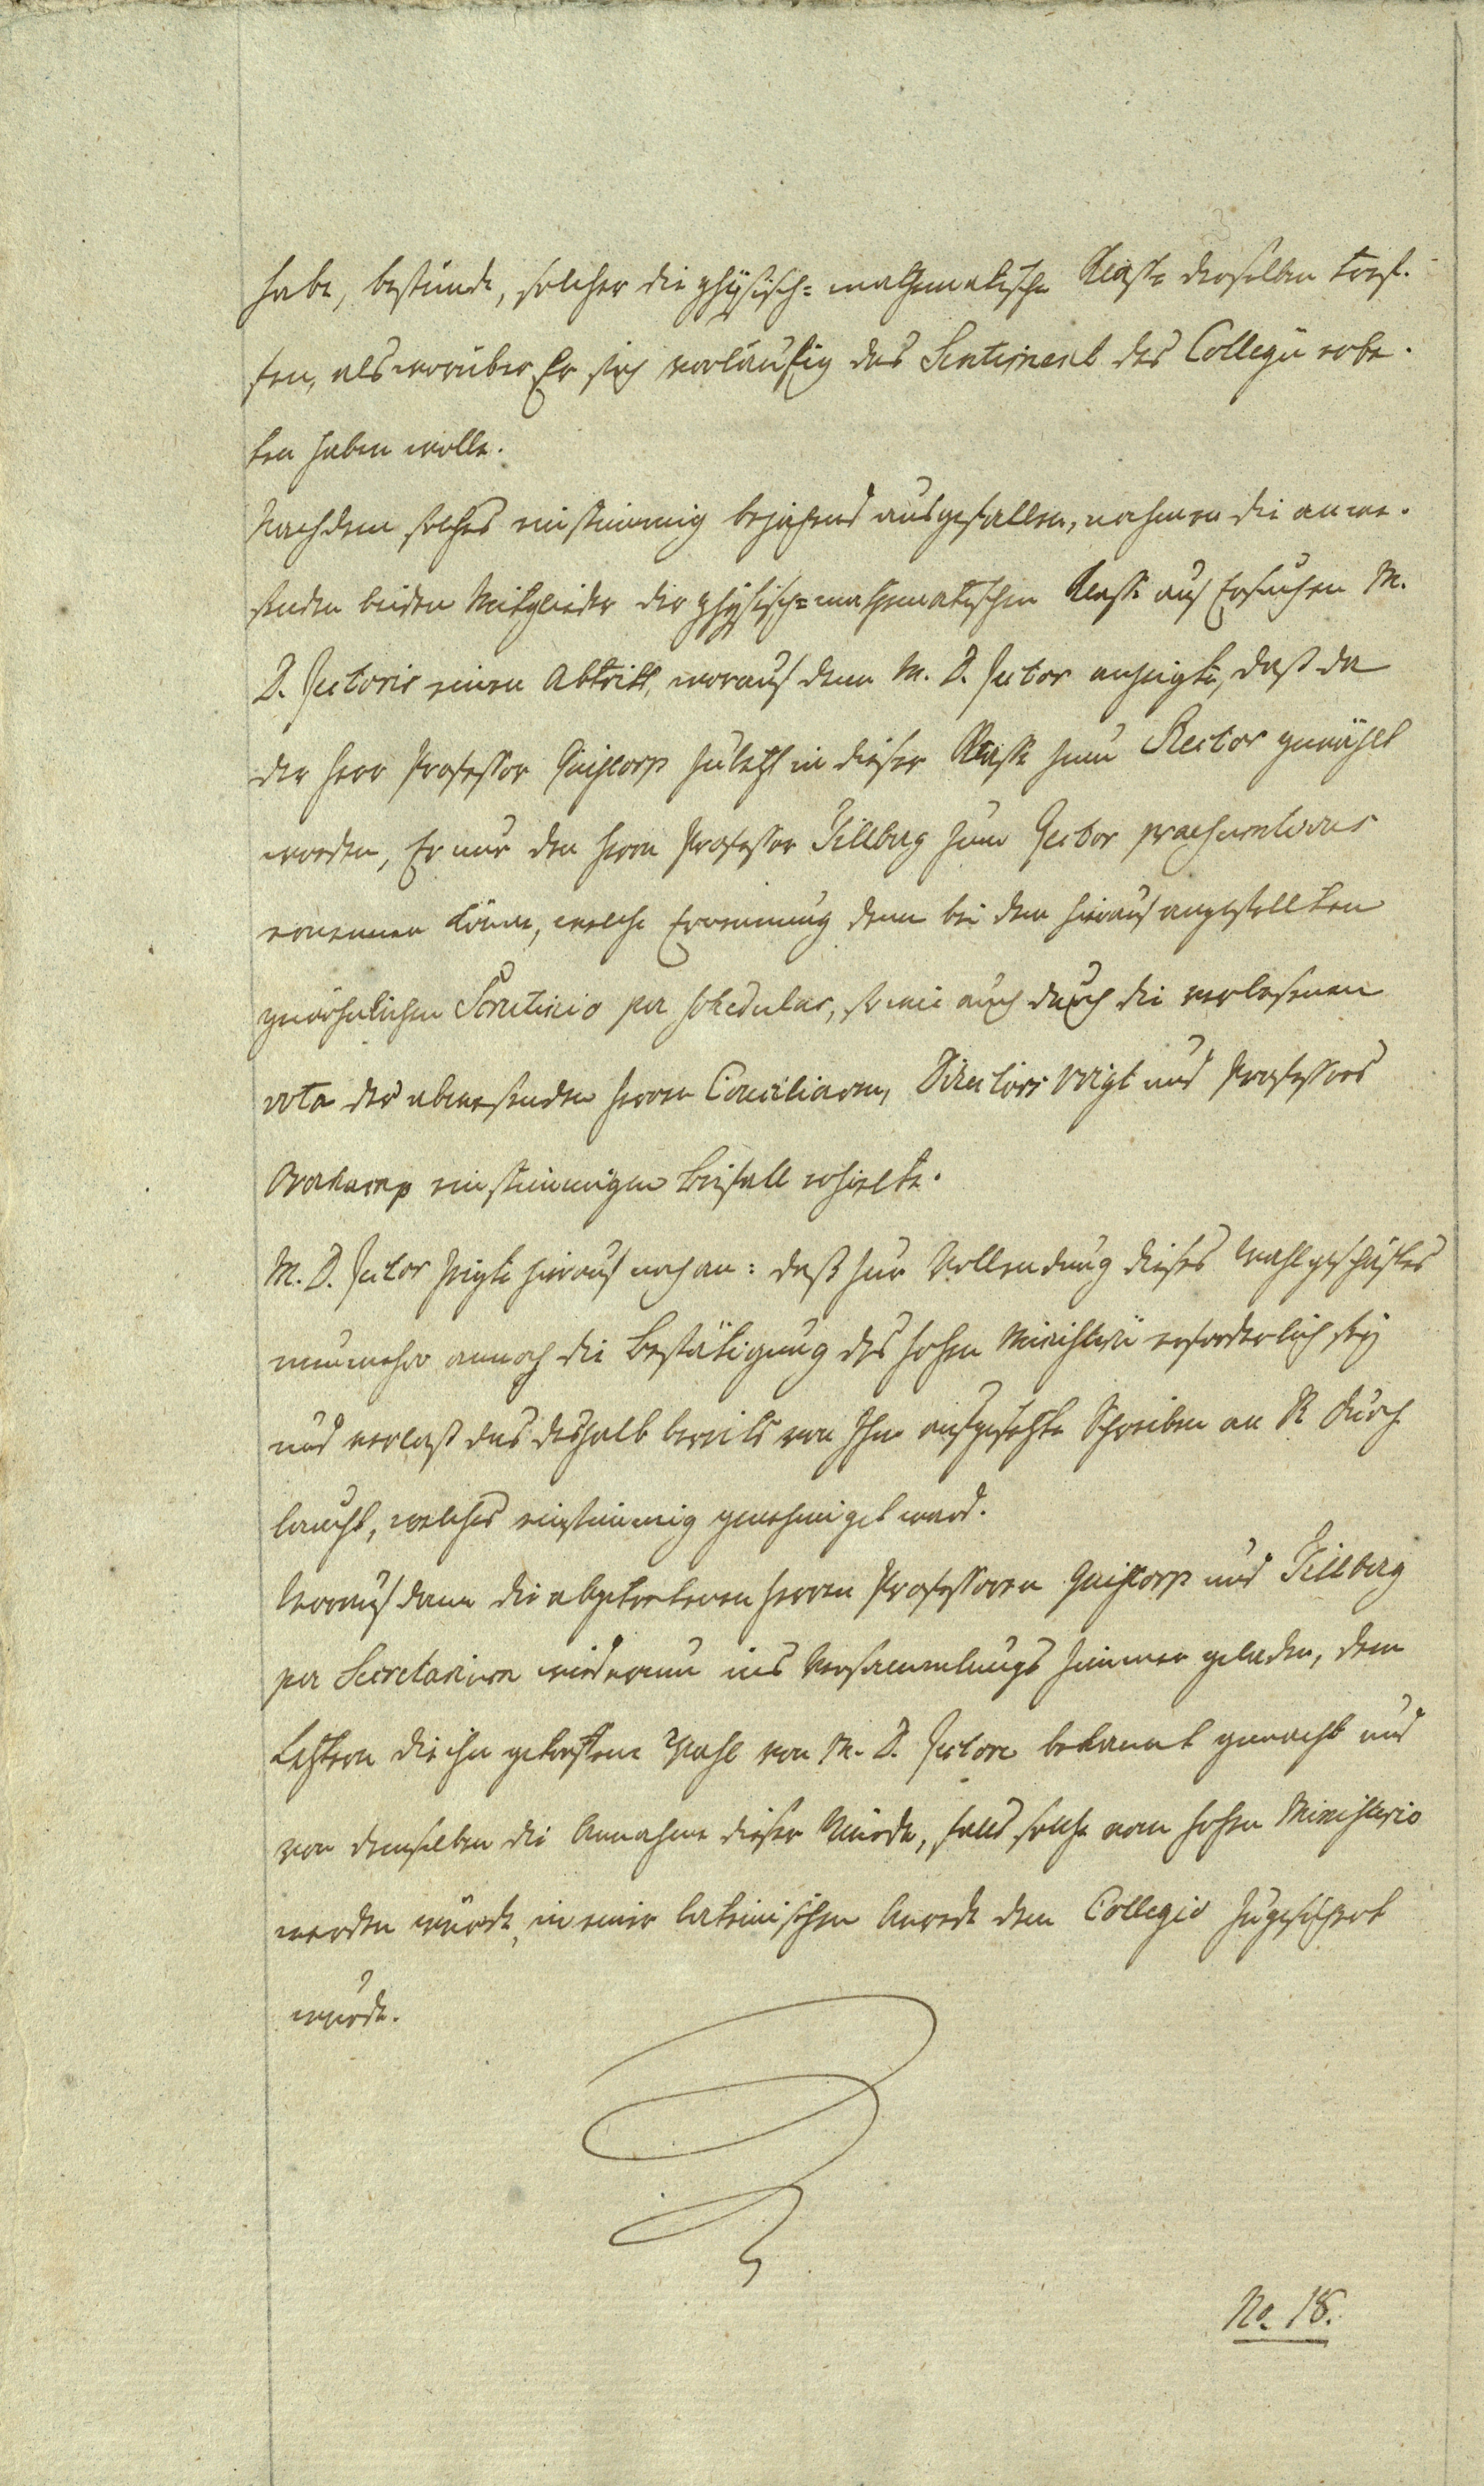habe, bestünde, solcher die phÿsisch-mathematische Klasse derselben tref¬
fen, als worüber Er sich vorläufig das Sentiment des Collegio erbe¬
ten haben wolle.
Nachdem solches einstimmig bejahend ausgefallen, nahmen die anwe¬
senden beiden Mitglieder der phÿsisch-mathematischen Klasse auf Ersuchen M.
D. Rectoris einen Abtritt, worauf denn M. D. Rector anzeigte, daß da
der Herr Professor Quistorp zuletzt in dieser Klasse zum Rector gewählt
worden, Er nur den Herrn Professor Tillberg zum Rector paeseumtivus
ernennen könne, welche Ernennung dem bei dem hierauf angestellten
gewöhnlichen Scrutinio per schedulas, so wie auch durch die verlesenen
vota der abwesenden Herrn Conciliaren, Directors Voigt und Professors
Overkamp einstimmigen Beifall erhielte.
M. D. Rector zeigte hierauf noch an: daß zur Vollendung dieses Wahlgeschäftes
nunmehro annoch die Bestätigung des hohen Ministerii erforderlich seÿ
und verlaß das deshalb bereits von Ihm aufgesetzte Schreiben an Sr Durch¬
laucht, welches einstimmig genehmiget ward.
Worauf dann die abgetretenen Herren Professoren Quistorp und Tillberg
per Secretarium wiederum ins Versammlungs Zimmer geladen, dem
Letztern die ihn getroffene Wahl von M. D. Rectore bekannt gemacht und
von demselben die Annahme dieser Würde, falls solche vom hohen Ministerio
werden würde, in einer lateinischen Anrede dem Collegio zugesichert
wurde.
No 18.